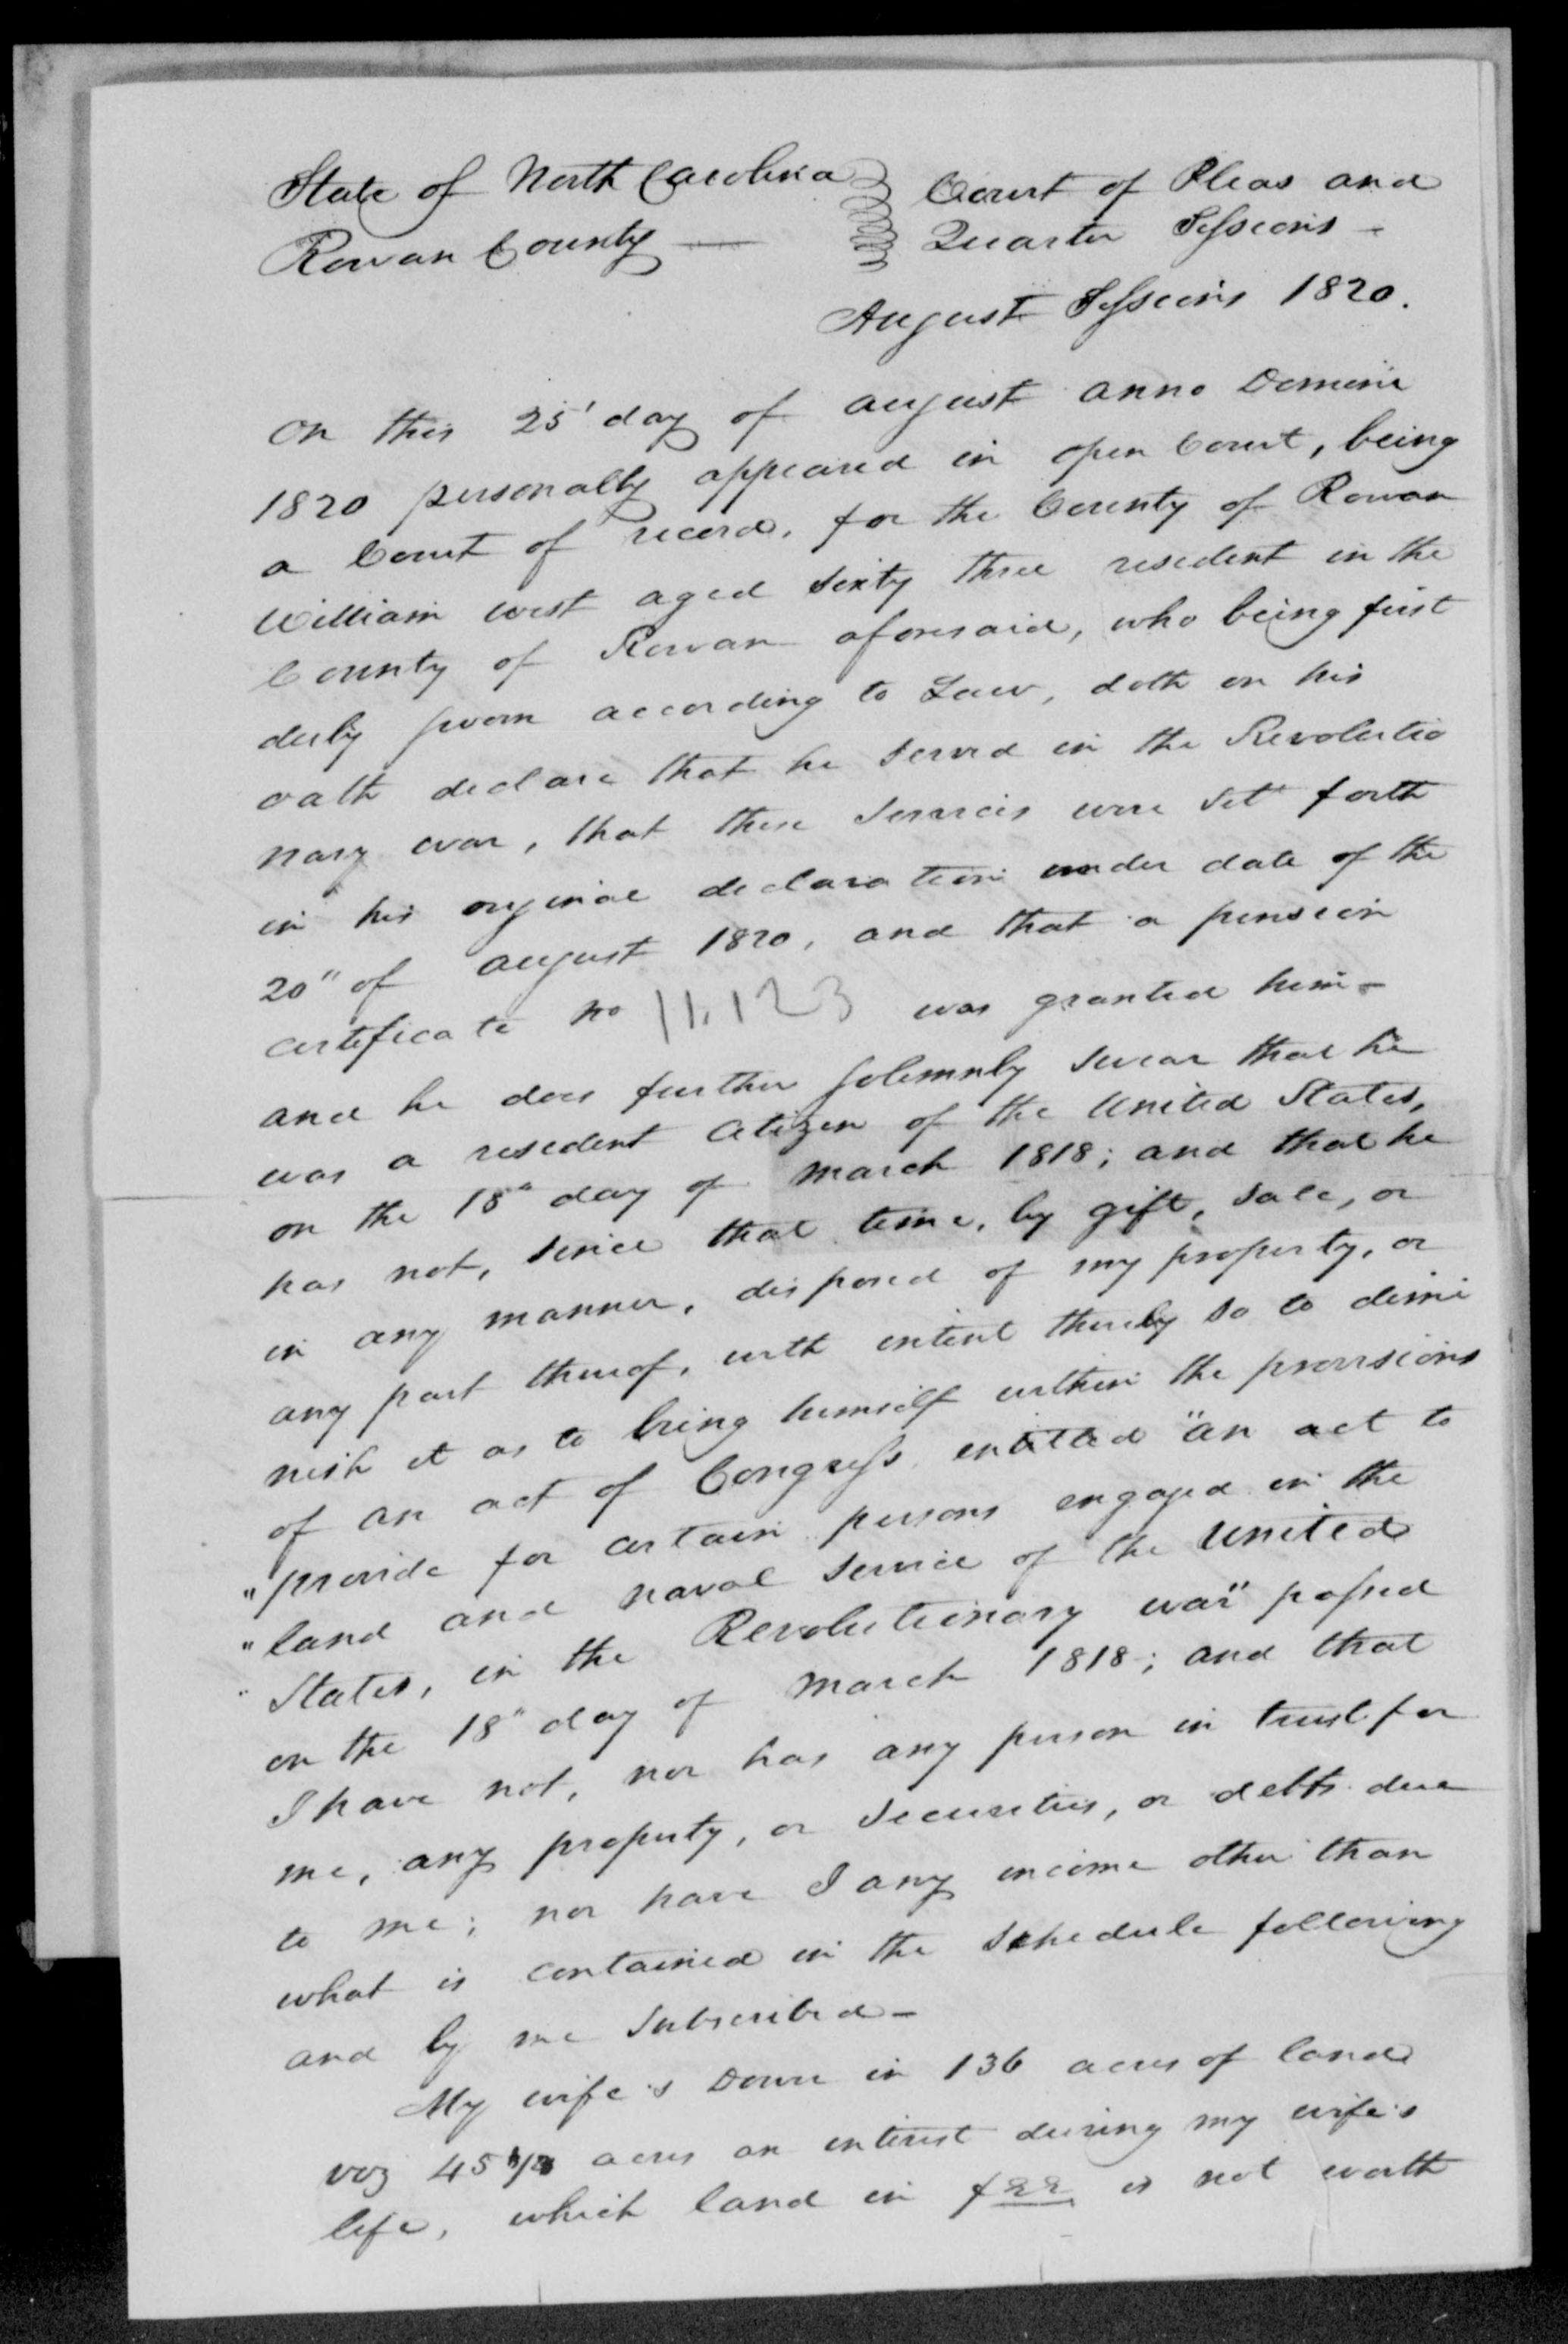State of North Carolina
Rowan County
Court of Pleas and
Quarter Sessions
August Sessions 1820
On this 25' day of August Anno Domini
1820 personally appeared in open Court, being
a Court of record, for the County of Rowan
William West aged sixty three resident in the
County of Rowan aforesaid, who being first
duly sworn according to Law, doth on his
oath declare that he served in the Revolutionary
war, that these services were set forth
in his original declaration under date of the
20th of August 1820, and that a pension
certificate No 11.123 was granted him -
and he does further solemnly swear that he
was a resident citizen of the United States,
on the 18th day of March 1818; and that he
has not, since that time, by gift, sale, or
in any manner, disposed of any property, or
any part thereof, with intent thereby so to diminish
it as to bring himself within the provisions
of an act of Congress entitled "an act to
provide for certain persons engaged in the
land and naval service of the United
States, in the Revolutionary war passed
on the 18 day of March 1818; and that
I have not, nor has any person in trust for
me, any property, or securities, or debts due
to me; nor have I any income other than
what is contained in the schedule following
and by me subscribed
My wife's dowery is 136 acres of land
[illegible] 45 1/3 acres an interest during my wife's
life, which land in fee is not worth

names: William West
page: 10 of 12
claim: survivor's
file: S. 42060, William West, Md.